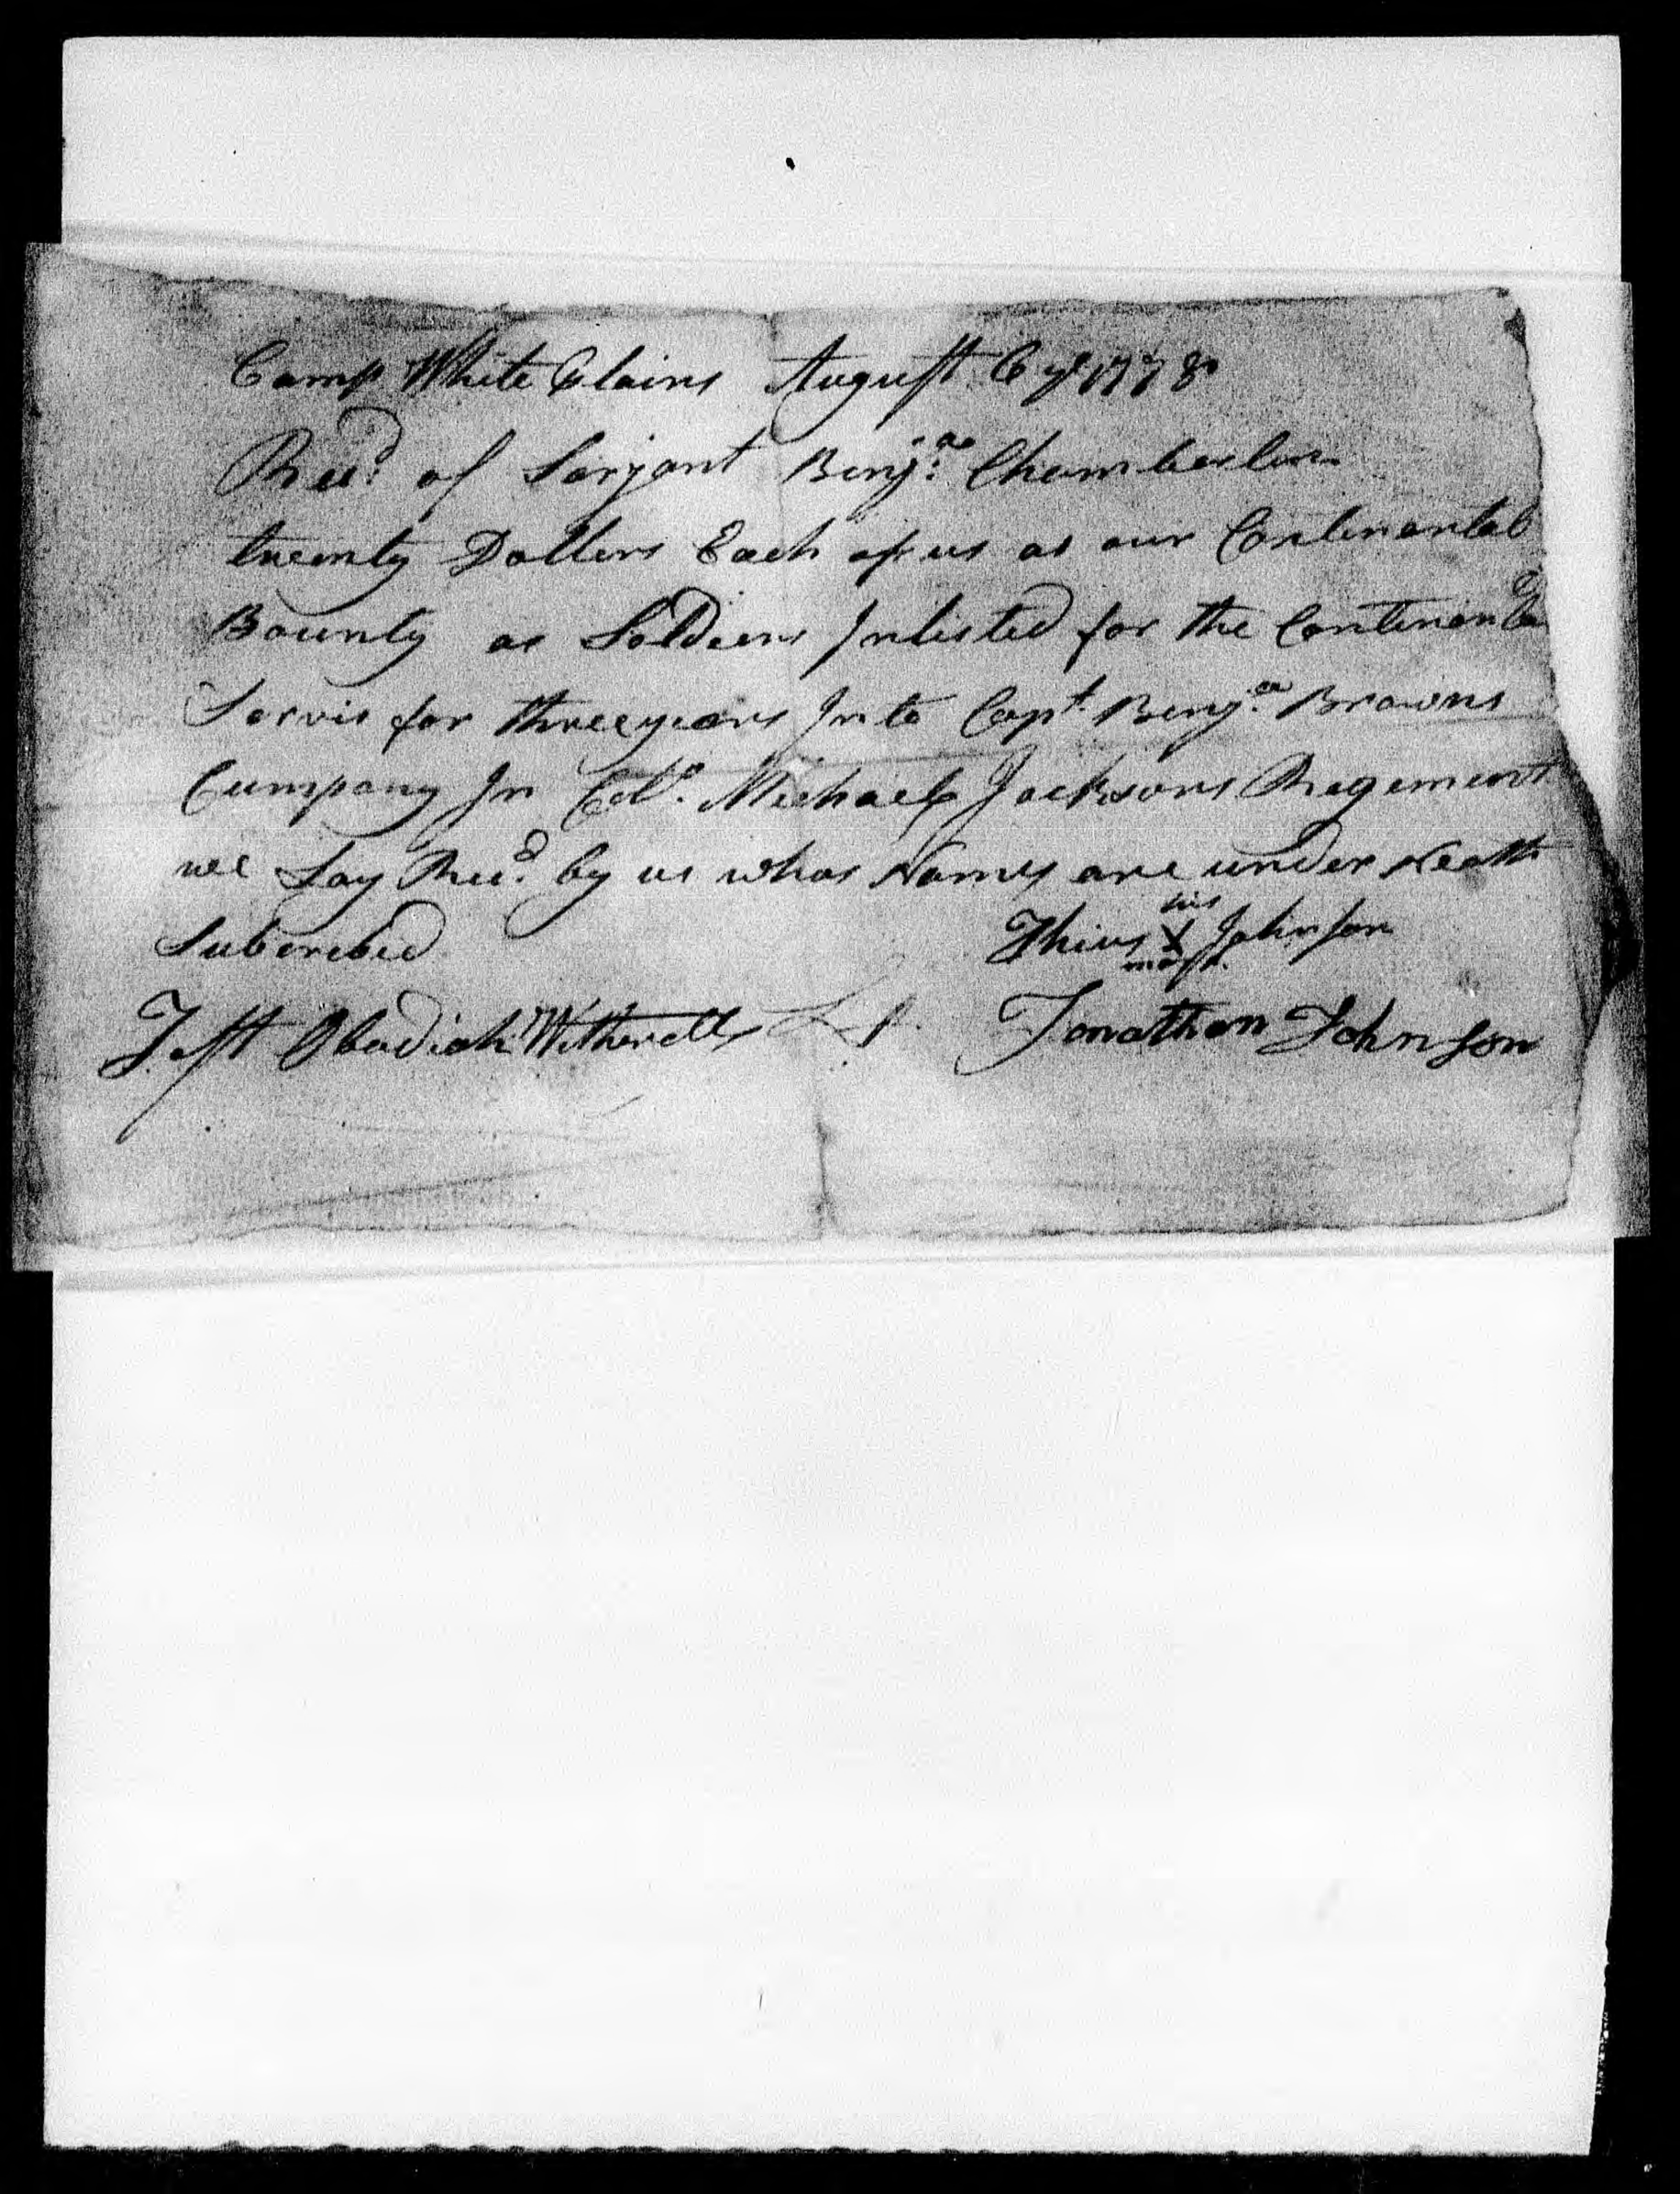Camp White Plains  August 6 th 1778
Received of Sargant Benjamin Chamberlin twenty dollars cash [illegible] us as our Continental Bounty as soldiers enlisted for the Continental service for three yeas 9 m into Captain Benjamin  Browns Company in Colonel Michael Jacksons Regiment [illegible] received  by us whos[sic] names are underneath subscribed.
X [his mark] Thias Johnson  
Jonathan Johnson  
Testified Obadiah Witherell [illegible]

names: Obadiah Witherell, Benja Chamberlin, Thias Johnson, Jonathan Johnson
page: 9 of 30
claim: survivor's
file: S. 39306, Benjamin Chamberlin, Mass.